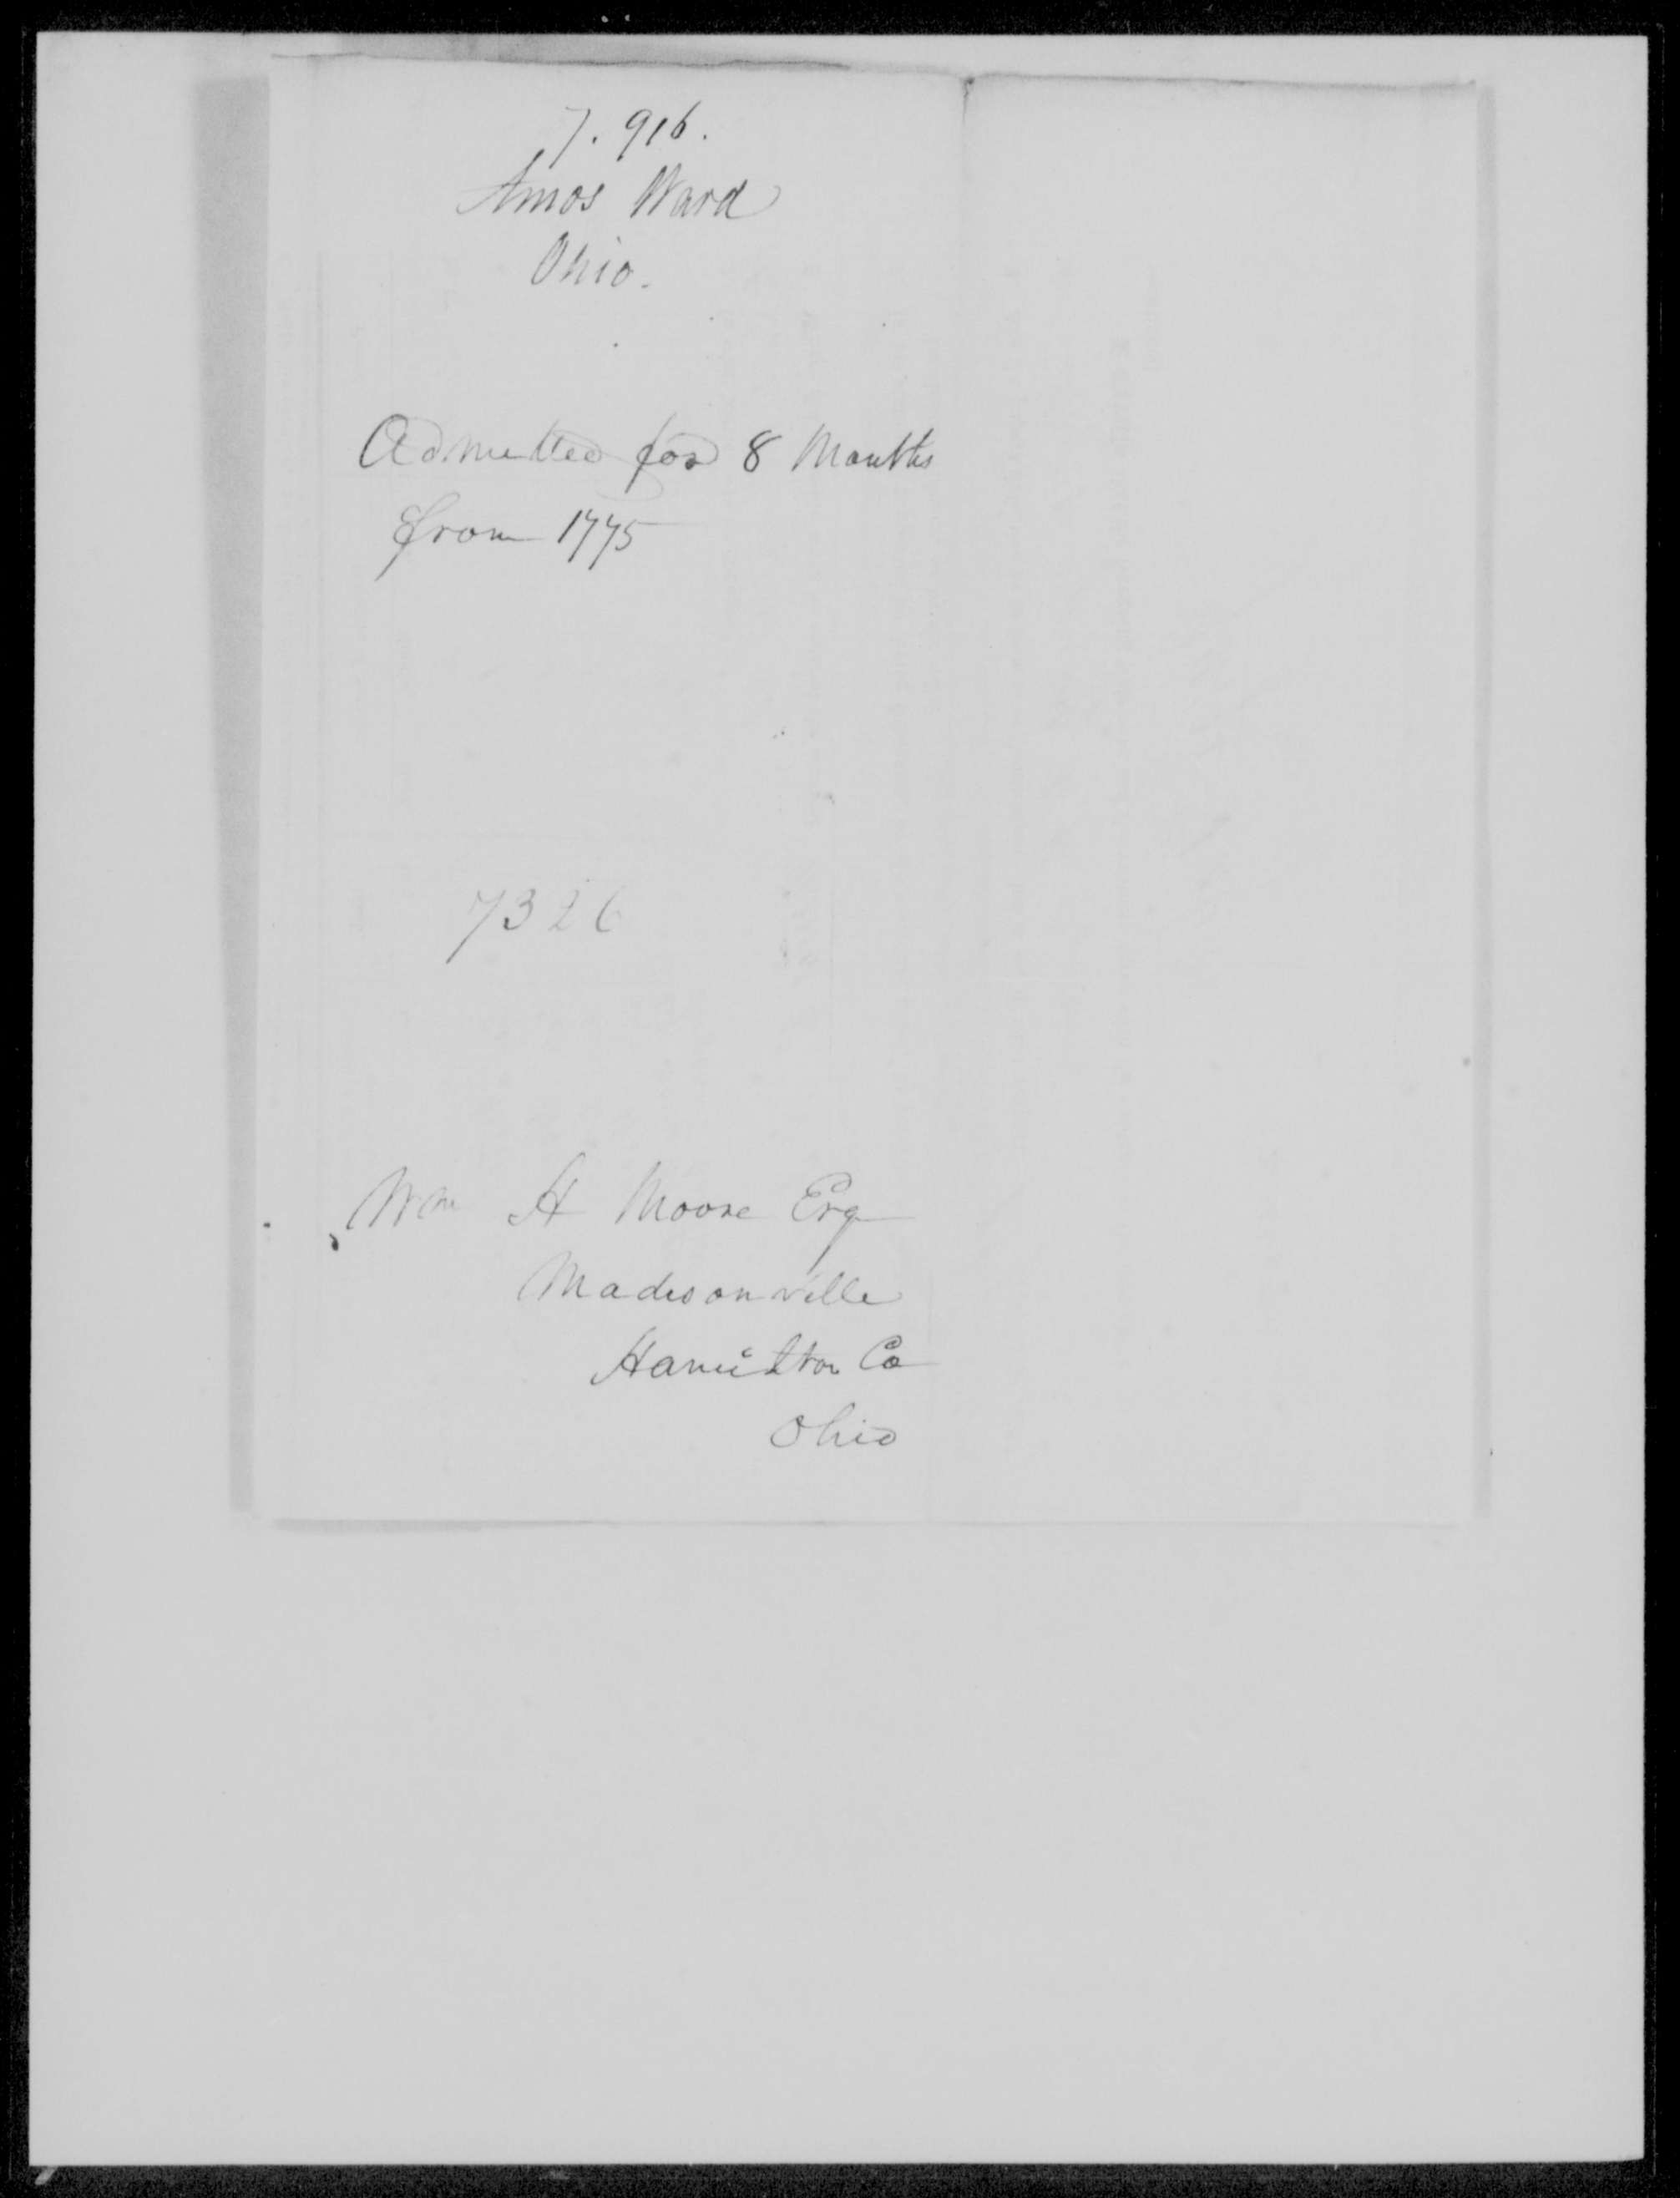7. 916.
Amos Ward
Ohio.

Admitted for 8 months
from 1775


7326

Wm H Moore Esq
Madisonville
Hamilton Co
Ohio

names: Wm H Moore, Amos Ward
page: 3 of 18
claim: survivor's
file: S. 4718, Amos Ward, New Jersey